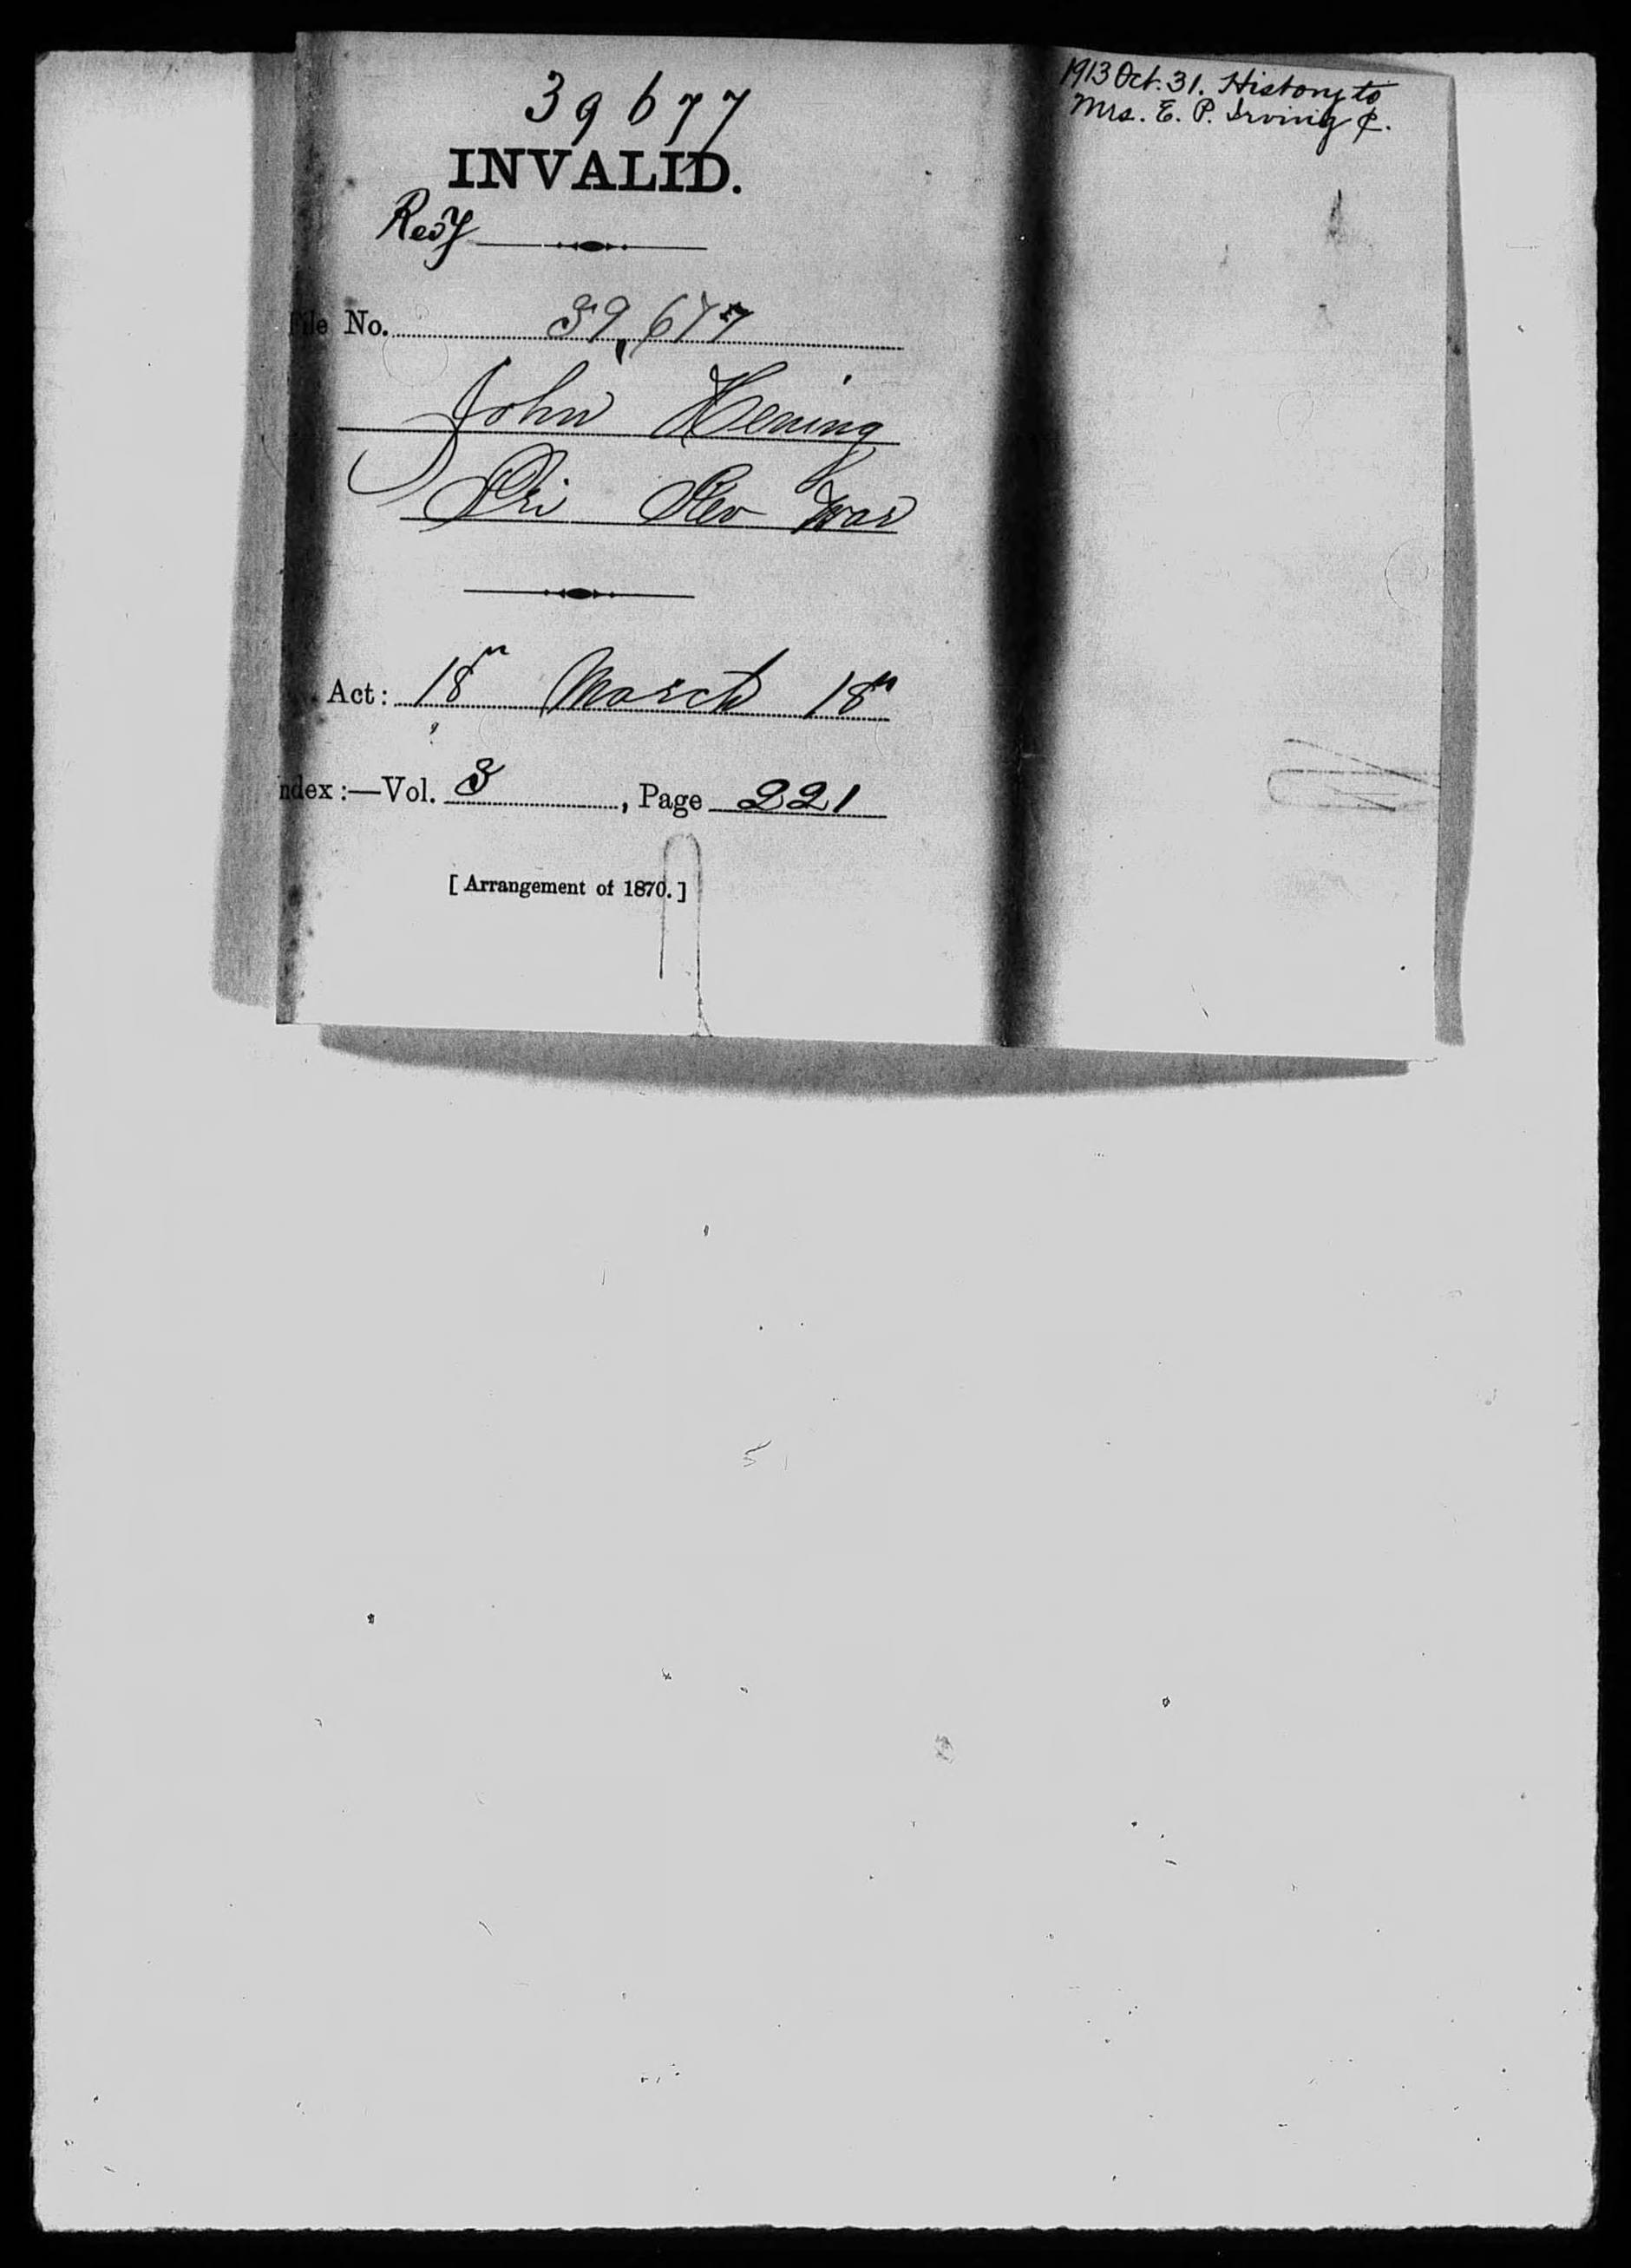[left page]

39677

INVALID.
Resy

No. 39,677
John Hening
Priv Rev War

Act: 18" March 18"
Index: = Vol. 3, Page 221

([Arrangement of 1870.])

[right page]
1913 Oct. 31. History to Mrs. E. P. Irving ¢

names: John Hening, E P Irving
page: 7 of 15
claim: survivor's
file: S. 39677, John Hening, Continental (Penn.)